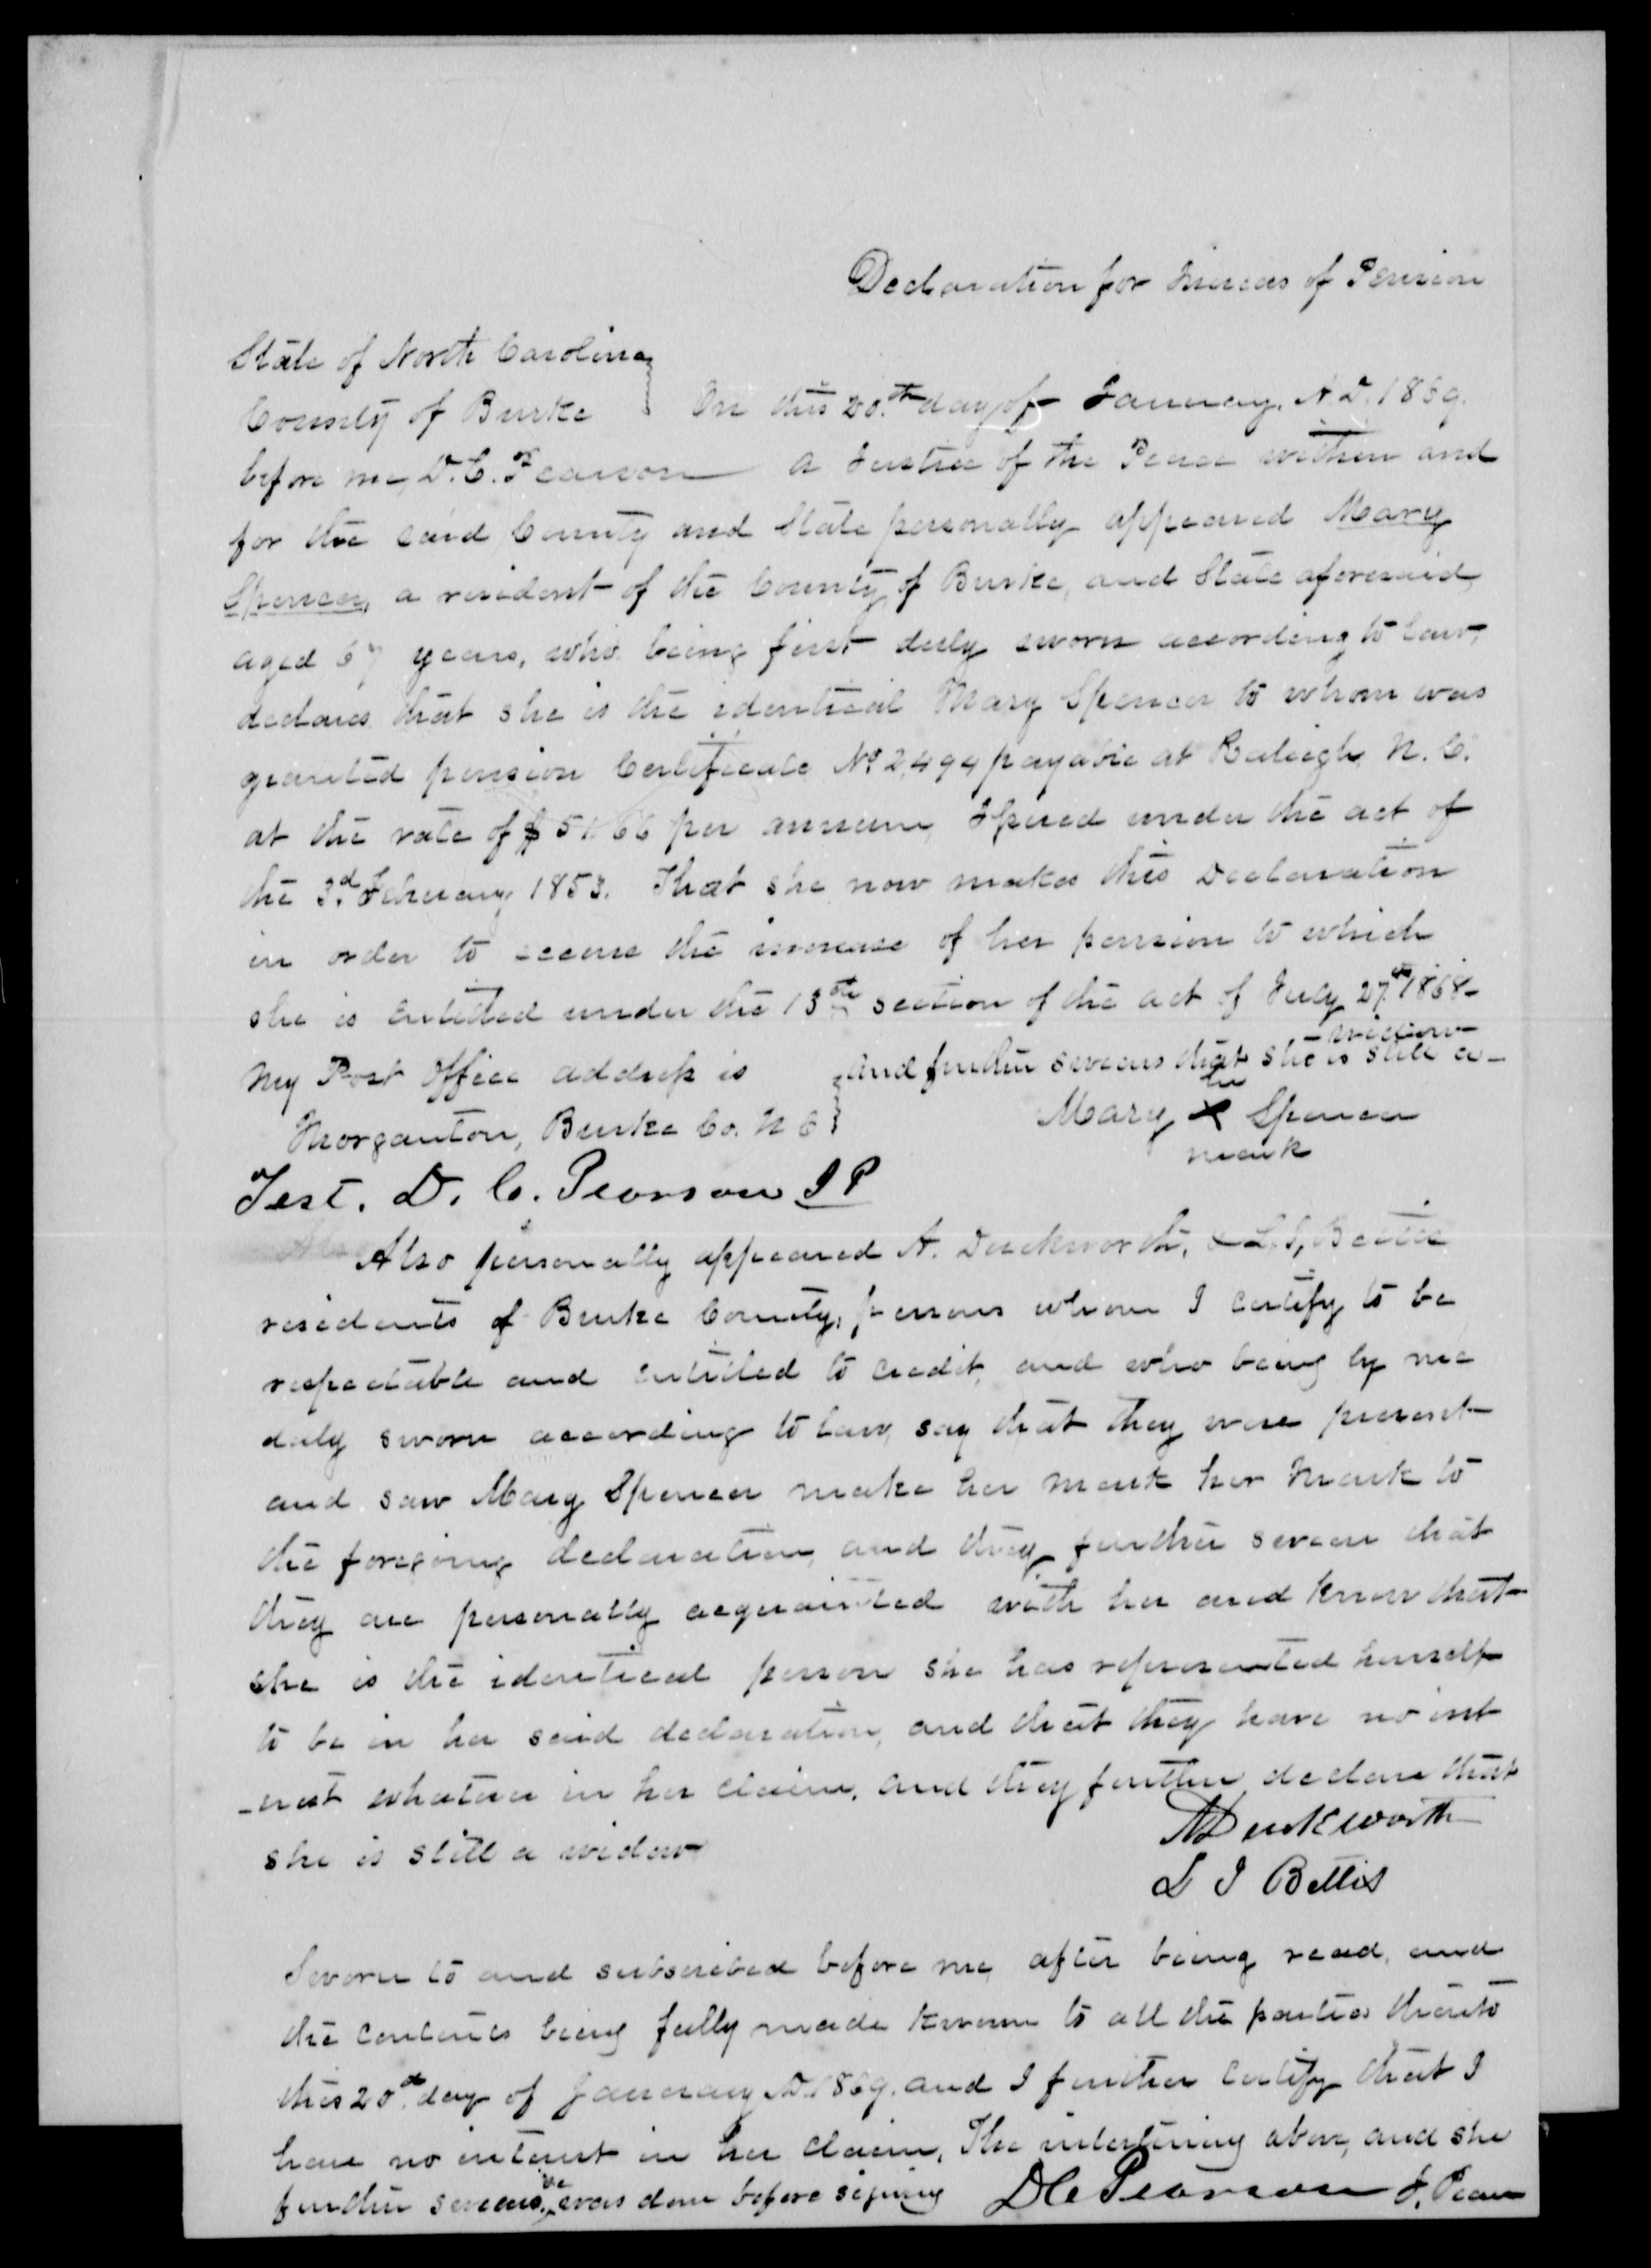Declaration for [illegible] of Pension
State of North Carolina
County of Burke ⎬ On this 20th day of January AD 1859
before me D.C. Pearson a Justice of the Peace within and
for the said County and State personally appeared Mary
Spencer, a resident of the County of Burke and State aforesaid
aged 67 years, who being first duly sworn according to law
declares that she is the identical Mary Spencer to whom was
granted pension certificate No 2494 payable at Raleigh N.C.
at the rate of $51.66 per annum Issued under the act of
the 3d February 1853. That she now makes this declaration
in order to secure the increase of her pension to which
she is entitled under the 13th section of the act of July 27th 1868 and further swears that she is still a widow. 
Mary  Spencer
her mark
My Post Office address is
Morganton, Burke Co.
Test. D. C. Pearson JP

Also personally appeared A. Duckworth Sr.  & L J Bettis
residents of Burke County, persons whom I certify to be
respectable and entitled to credit, and who being by me
duly sworn according to law say that they were present
and saw Mary Spencer make her mark to
the foregoing declaration, and they further swear that
they are personally acquainted with her and know that
she is the identical person she has represented herself to be in her said declaration, and that they have no interest whatever in her claim, and they further declare that
she is still a widow
A Duckworth
L J Bettis
Sworn to and subscribed before me after being read and
the contents being fully made known to all the parties thereto
this 20th day of January AD 1869. and I further certify that I
have no interest in her claim. The [illegible] above, and she
further swears was done before signing D C Pearson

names: D C Pearson; Mary Spencer; L J Bettis; Mary Spencer; A Duckworth; A Duckworth; D C Pearson; Mary Spencer; Mary Spencer; D C Pearson; L J Bettis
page: 48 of 63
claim: widow's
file: W. 6158, for Benjamin Spencer, North Carolina